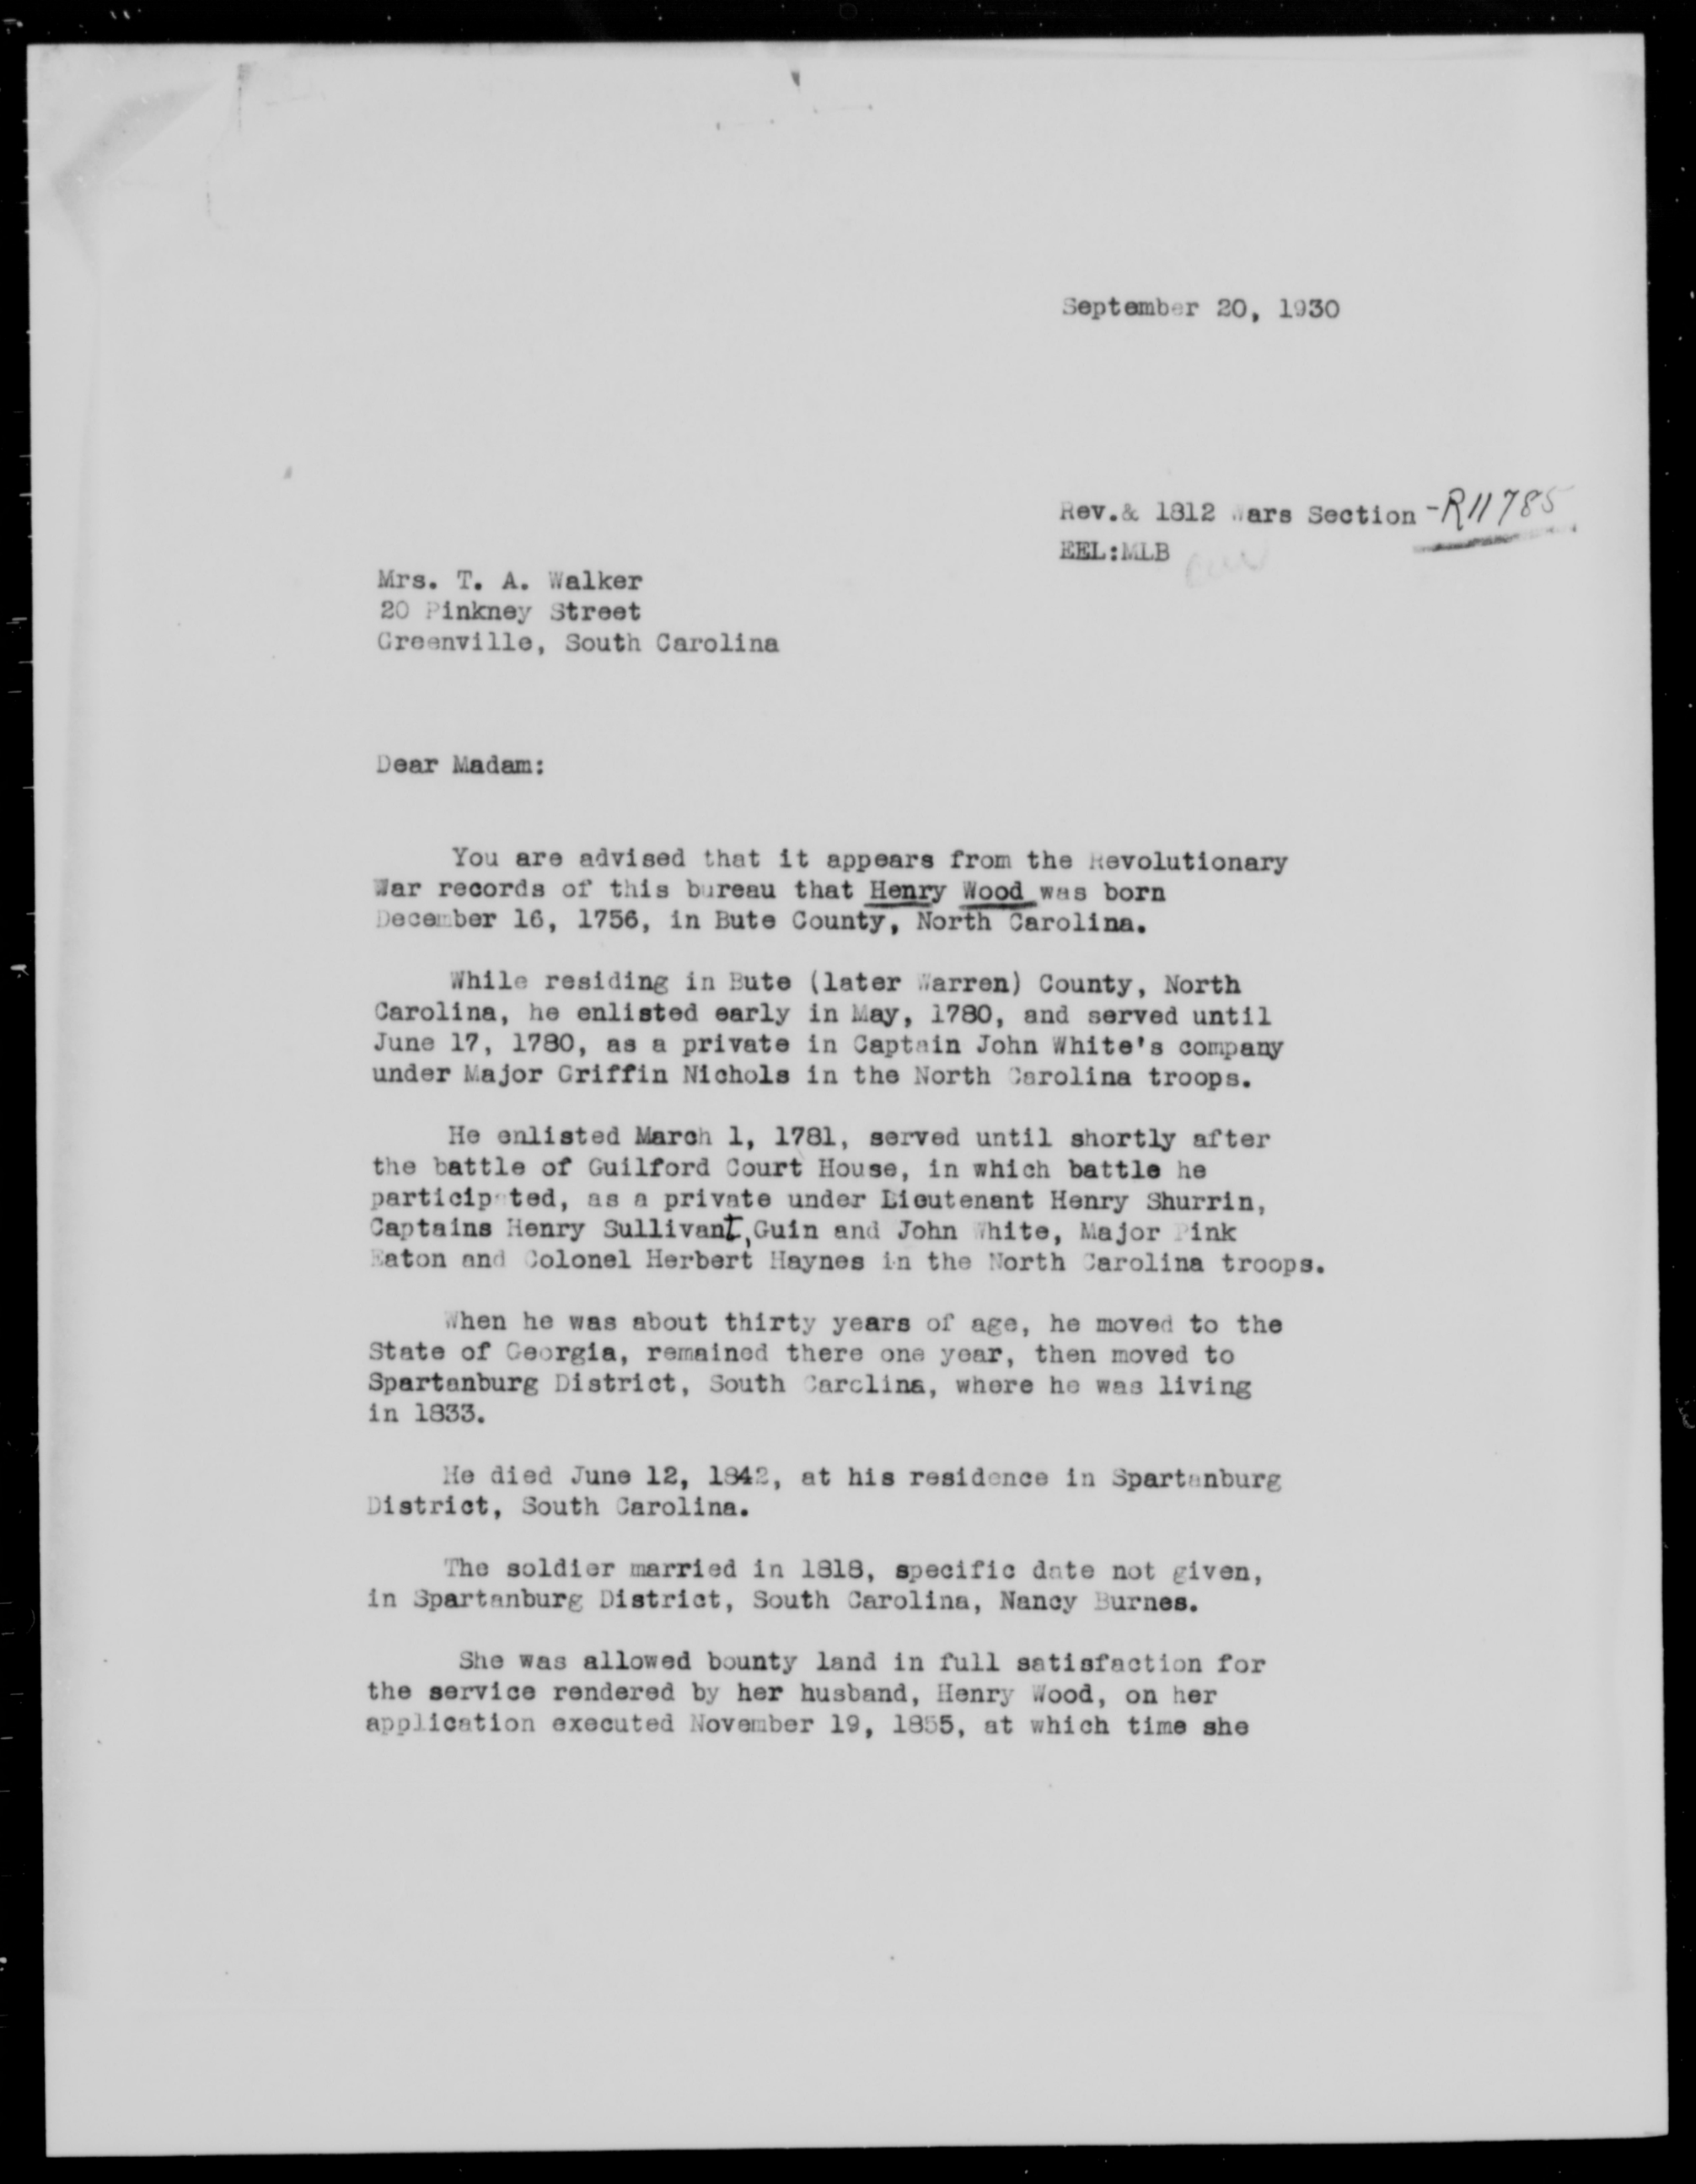September 20, 1930
Rev. & 1812 Wars Section -R111785
EEL: MLB
Mrs. T. A. Walker
20 Pinkney Street
Greenville, South Carolina

Dear Madam:
You are advised that it appears from the Revolutionary War
records of this bureau that Henry Wood was born
December 16, 1756, in Bute County, North Carolina.
While residing in Bute (later Warren County, North Carolina, he enlisted early in May, 1780, and served until
June 17, 1780, as a private in Captain John White's company
under Major Griffin Nichols in the North Carolina troops.
He enlisted March 1, 1781, served until shortly after
the battle of Guilford Court House, in which battle he
participated, as a private under Lieutenant Henry Shurrin,
Captains Henry Sullivant, Guin and John White, Major Pink
Eaton and Colonel Herbert Haynes in the North Carolina troops.
When he was about thirty years of age, he moved to the
State of Georgia, remained there one year, then moved to
Spartanburg District, South Carolina, where he was living in
1833.
He died June 12, 1842, at his residence in Spartanburg
District, South Carolina.
The soldier married in 1818, specific date not given,
in Spartanburg District, South Carolina, Nancy Burnes.
She was allowed bounty land in full satisfaction for
the service rendered by her husband, Henry Wood, on her
application executed November 19, 1855, at which time she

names: Griffin Nichols, Henry Shurrin, Nancy Burnes, John White, Henry Wood, Fink Eaton, T A Walker, Henry Sullivant, Guin, Herbert Haynes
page: 14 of 40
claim: rejected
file: R. 11785, Henry Wood, N. C.